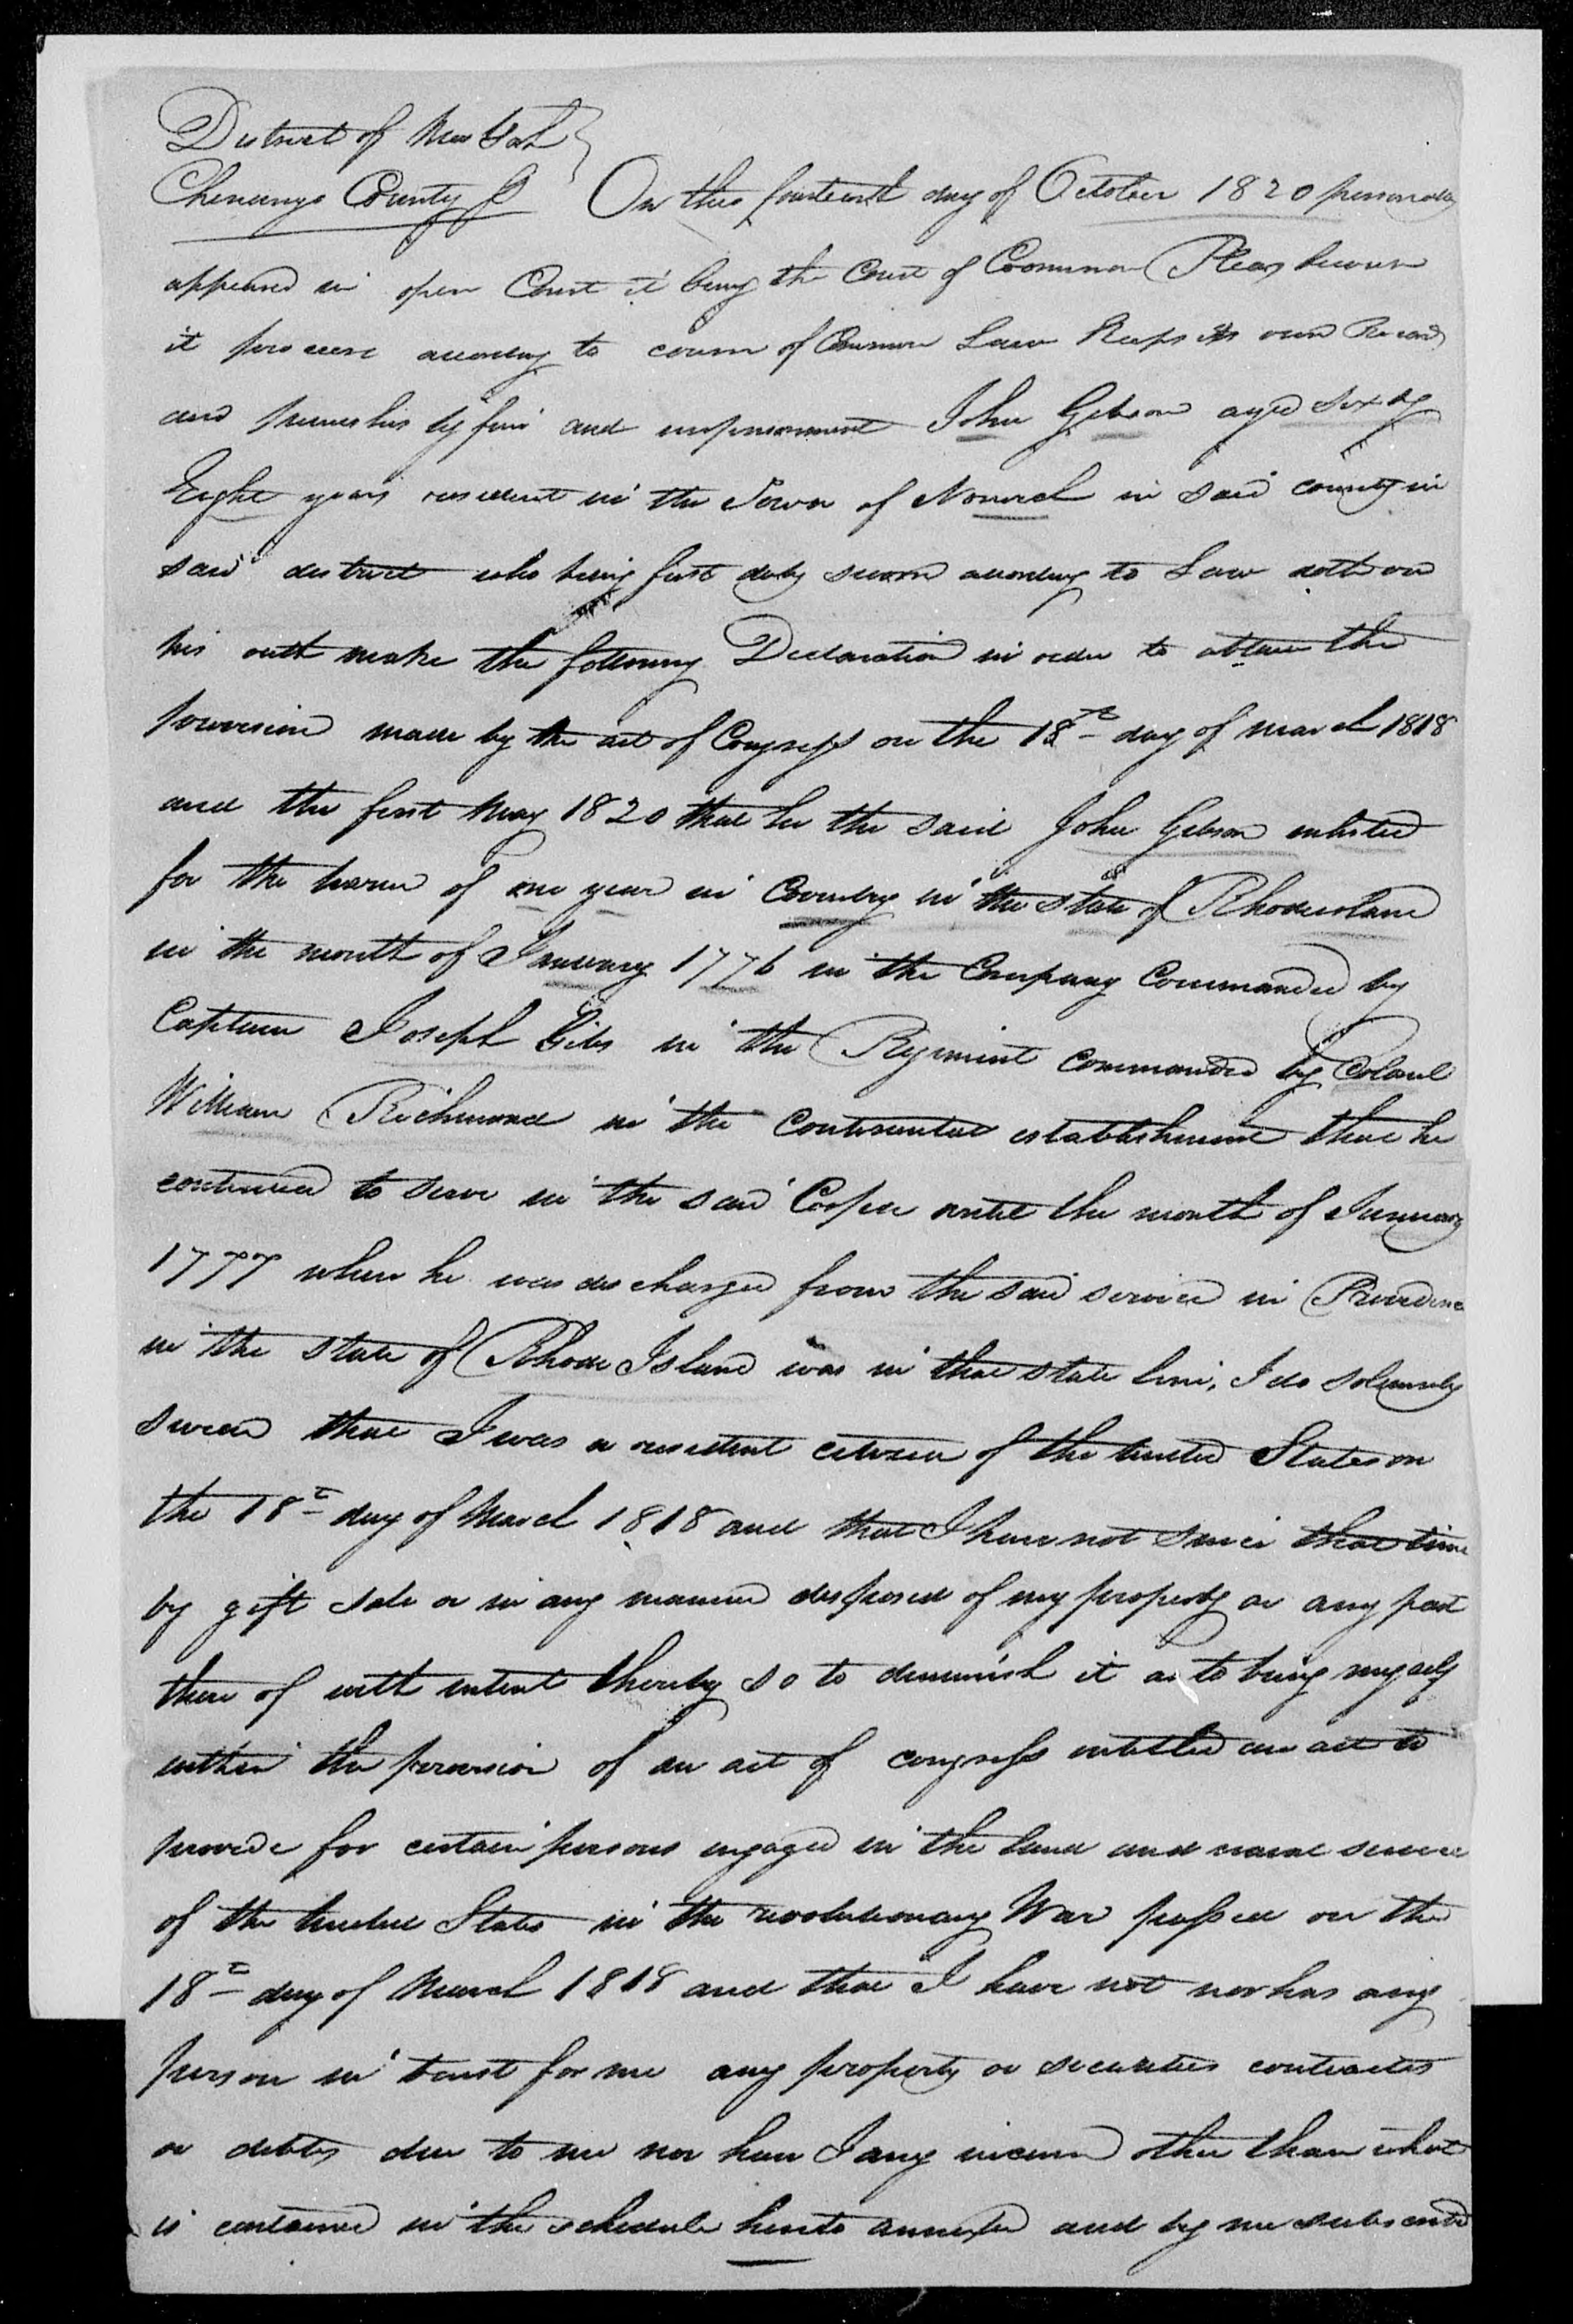District of New York
Chenango County Ss
On this fourteenth day of October 1820 personally
appeared in open Court it being the Court of Common Pleas sessions
it process according to court of Common Law keeps its own Record
and [illegible] his by fine and imprisonment John Gibson aged sixty
Eight years resident in the Town of Norwich in said County in
said district who being first duly sworn according to Law doth on
his oath make the following Declaration in order to obtain the
pension made by the act of Congress on the 18th day of March 1818
and the first May 1820 that he the said John Gibson enlisted
for the term of one year in Country in the State of Rhode Island
in the month of January 1776 in the Company commanded by
Captain Joseph Gibs in the Regiment commanded by Colonel
William Richmond in the Continental establishment that he
continued to serve in the said Corps until the month of January
1777 when he was discharged from the said service in Providence
in the State of Rhode Island was in that state line, I do solemnly
swear that I was a resident citizen of the United States on
the 18th day of March 1818 and that I have not since that time
by gift sale or in any manner disposed of my property or any part
there of with intent thereby so to diminish it as to bring myself
within the provision of an act of congress entitled an act to
provide for certain persons engaged in the land and naval service
of the United States in the revolutionary War passed on the
18th day of March 1818 and that I have not nor has any
person in trust for me any property or securities contracts
or debts due to me nor have I any income other than what 
is contained in the schedule hereto annexed and by me subscribed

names: Joseph Gibs, John Gibson, John Gibson, William Richmond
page: 7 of 32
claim: survivor's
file: S. 34899, John Gibson, R.I.